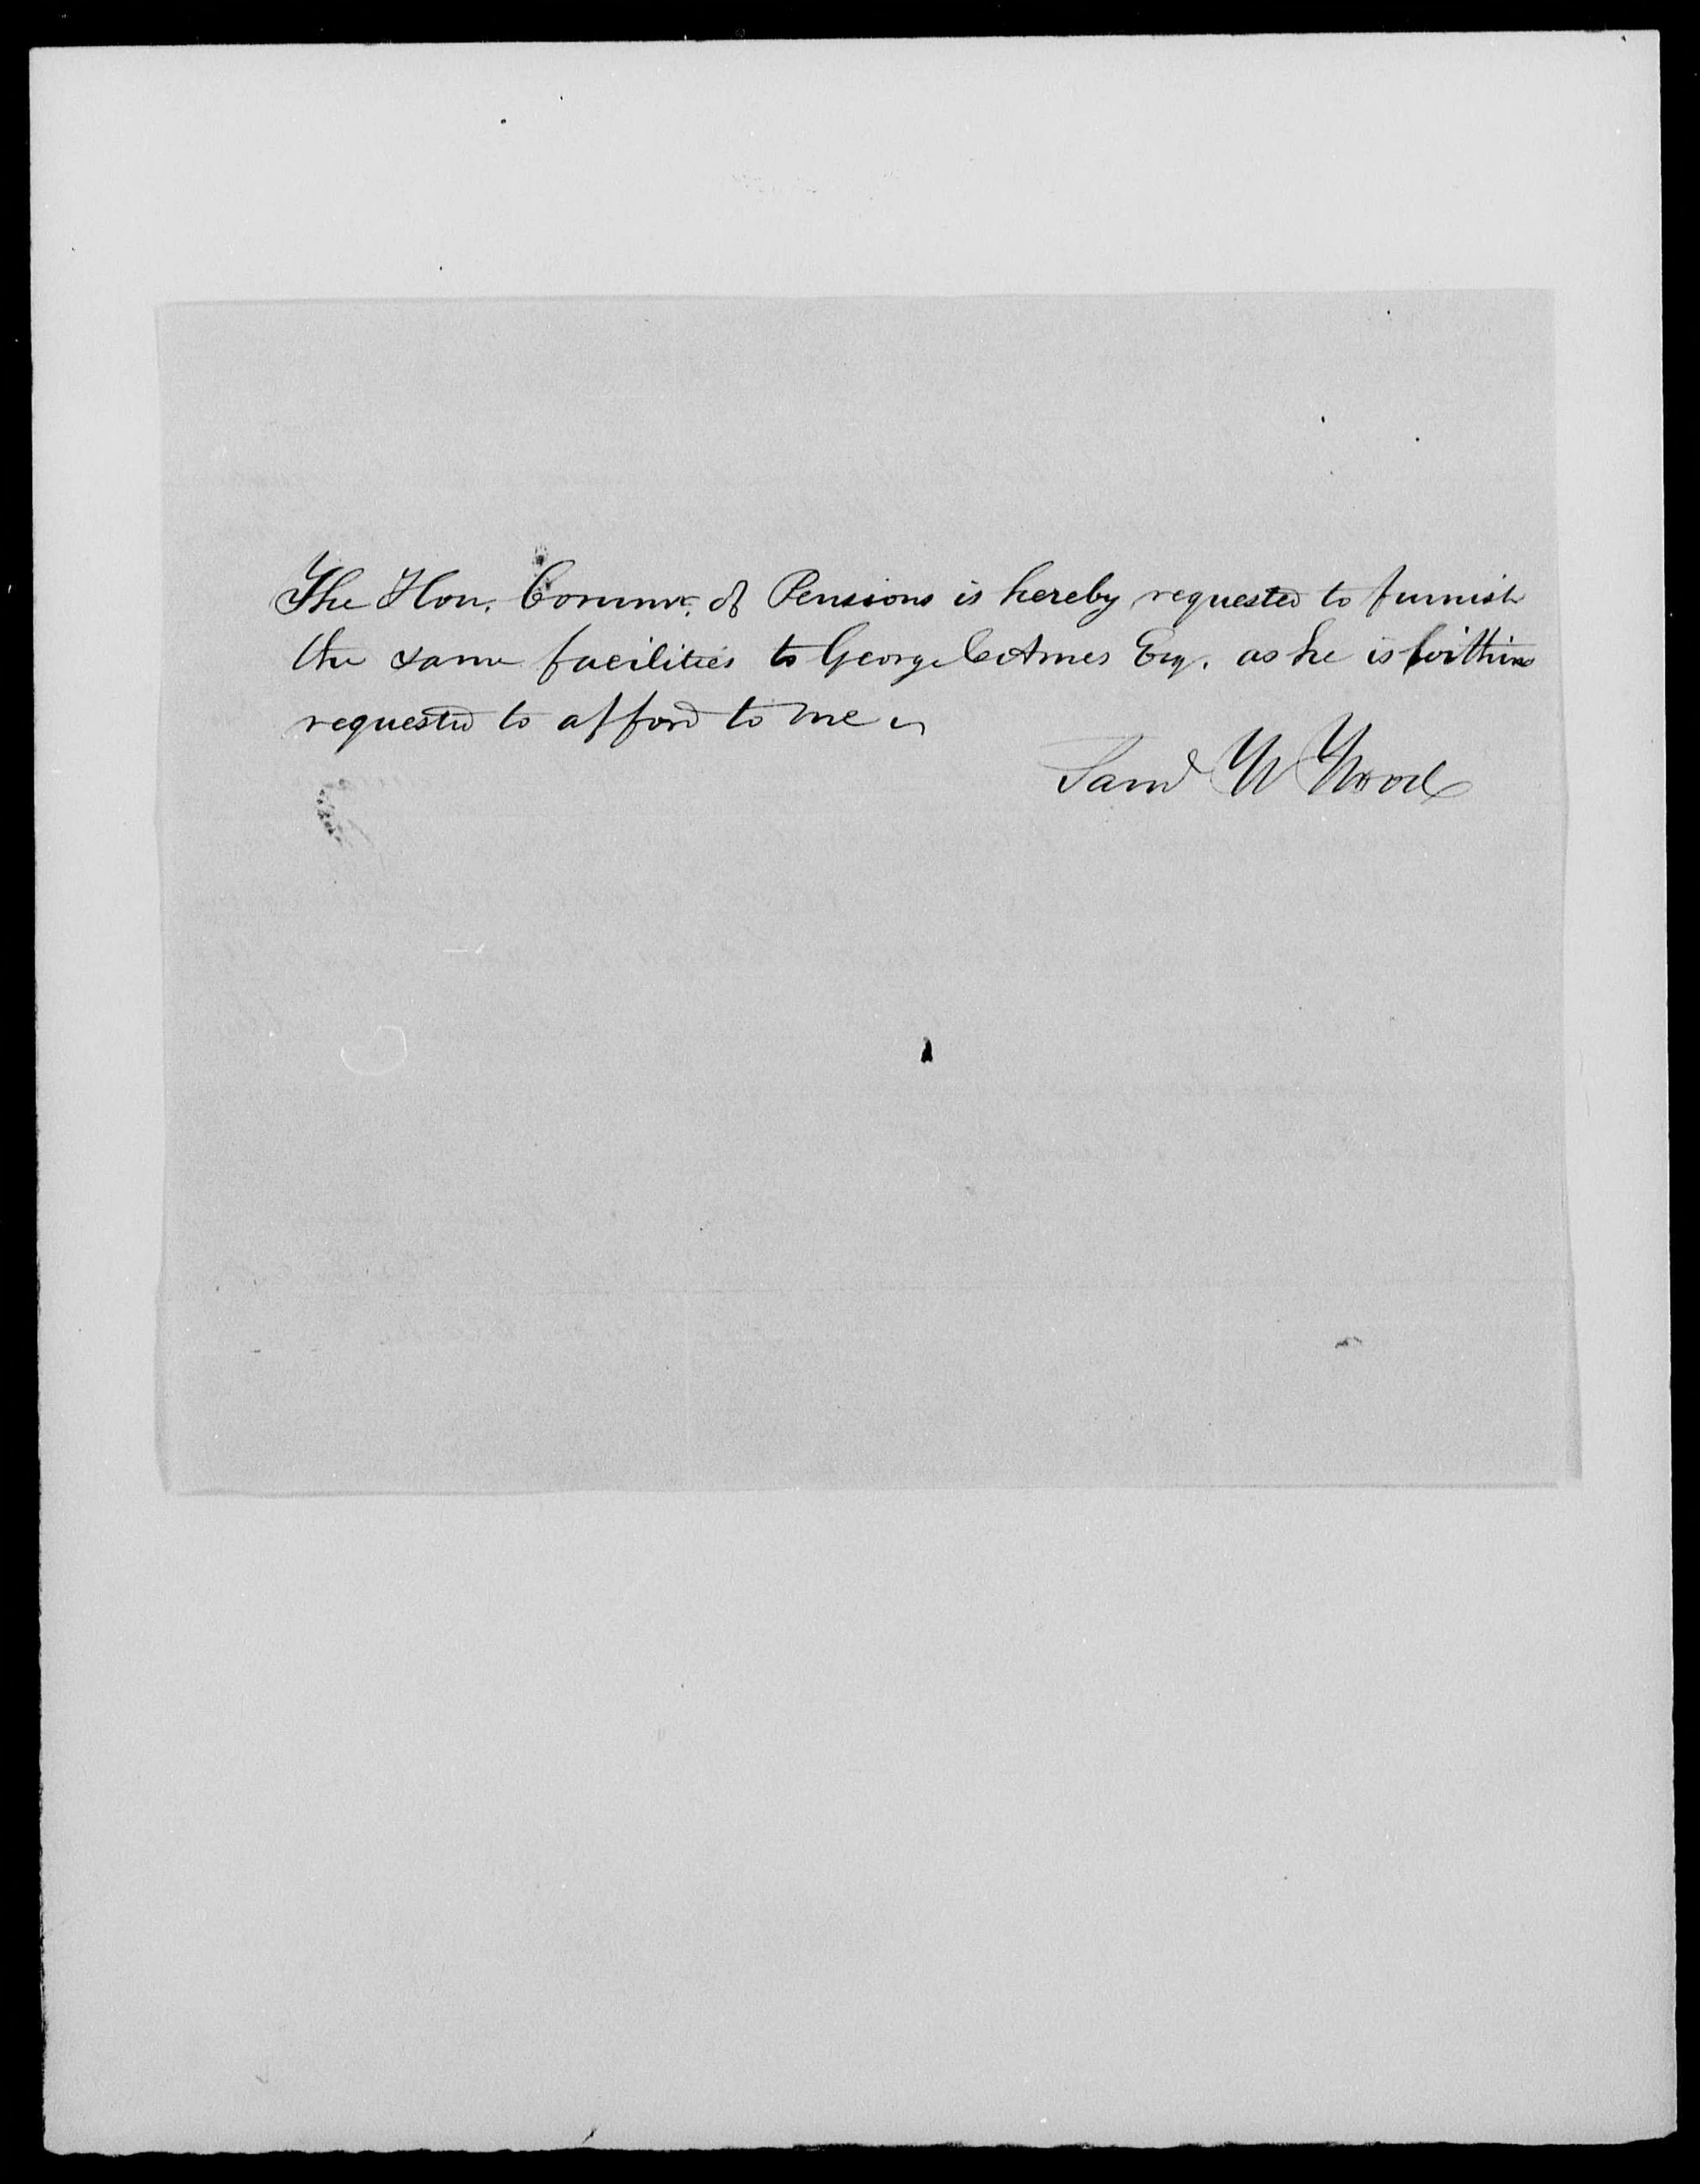The Hon. Comm. of Pensions is hereby requested to furnish the same facilities to George C. Ames Esq. as he is within requested to afford to me.
Saml W. Wood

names: George C Ames, Saml W Wood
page: 19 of 48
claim: widow's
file: W. 17,628, Arnold Clarke, R.I.